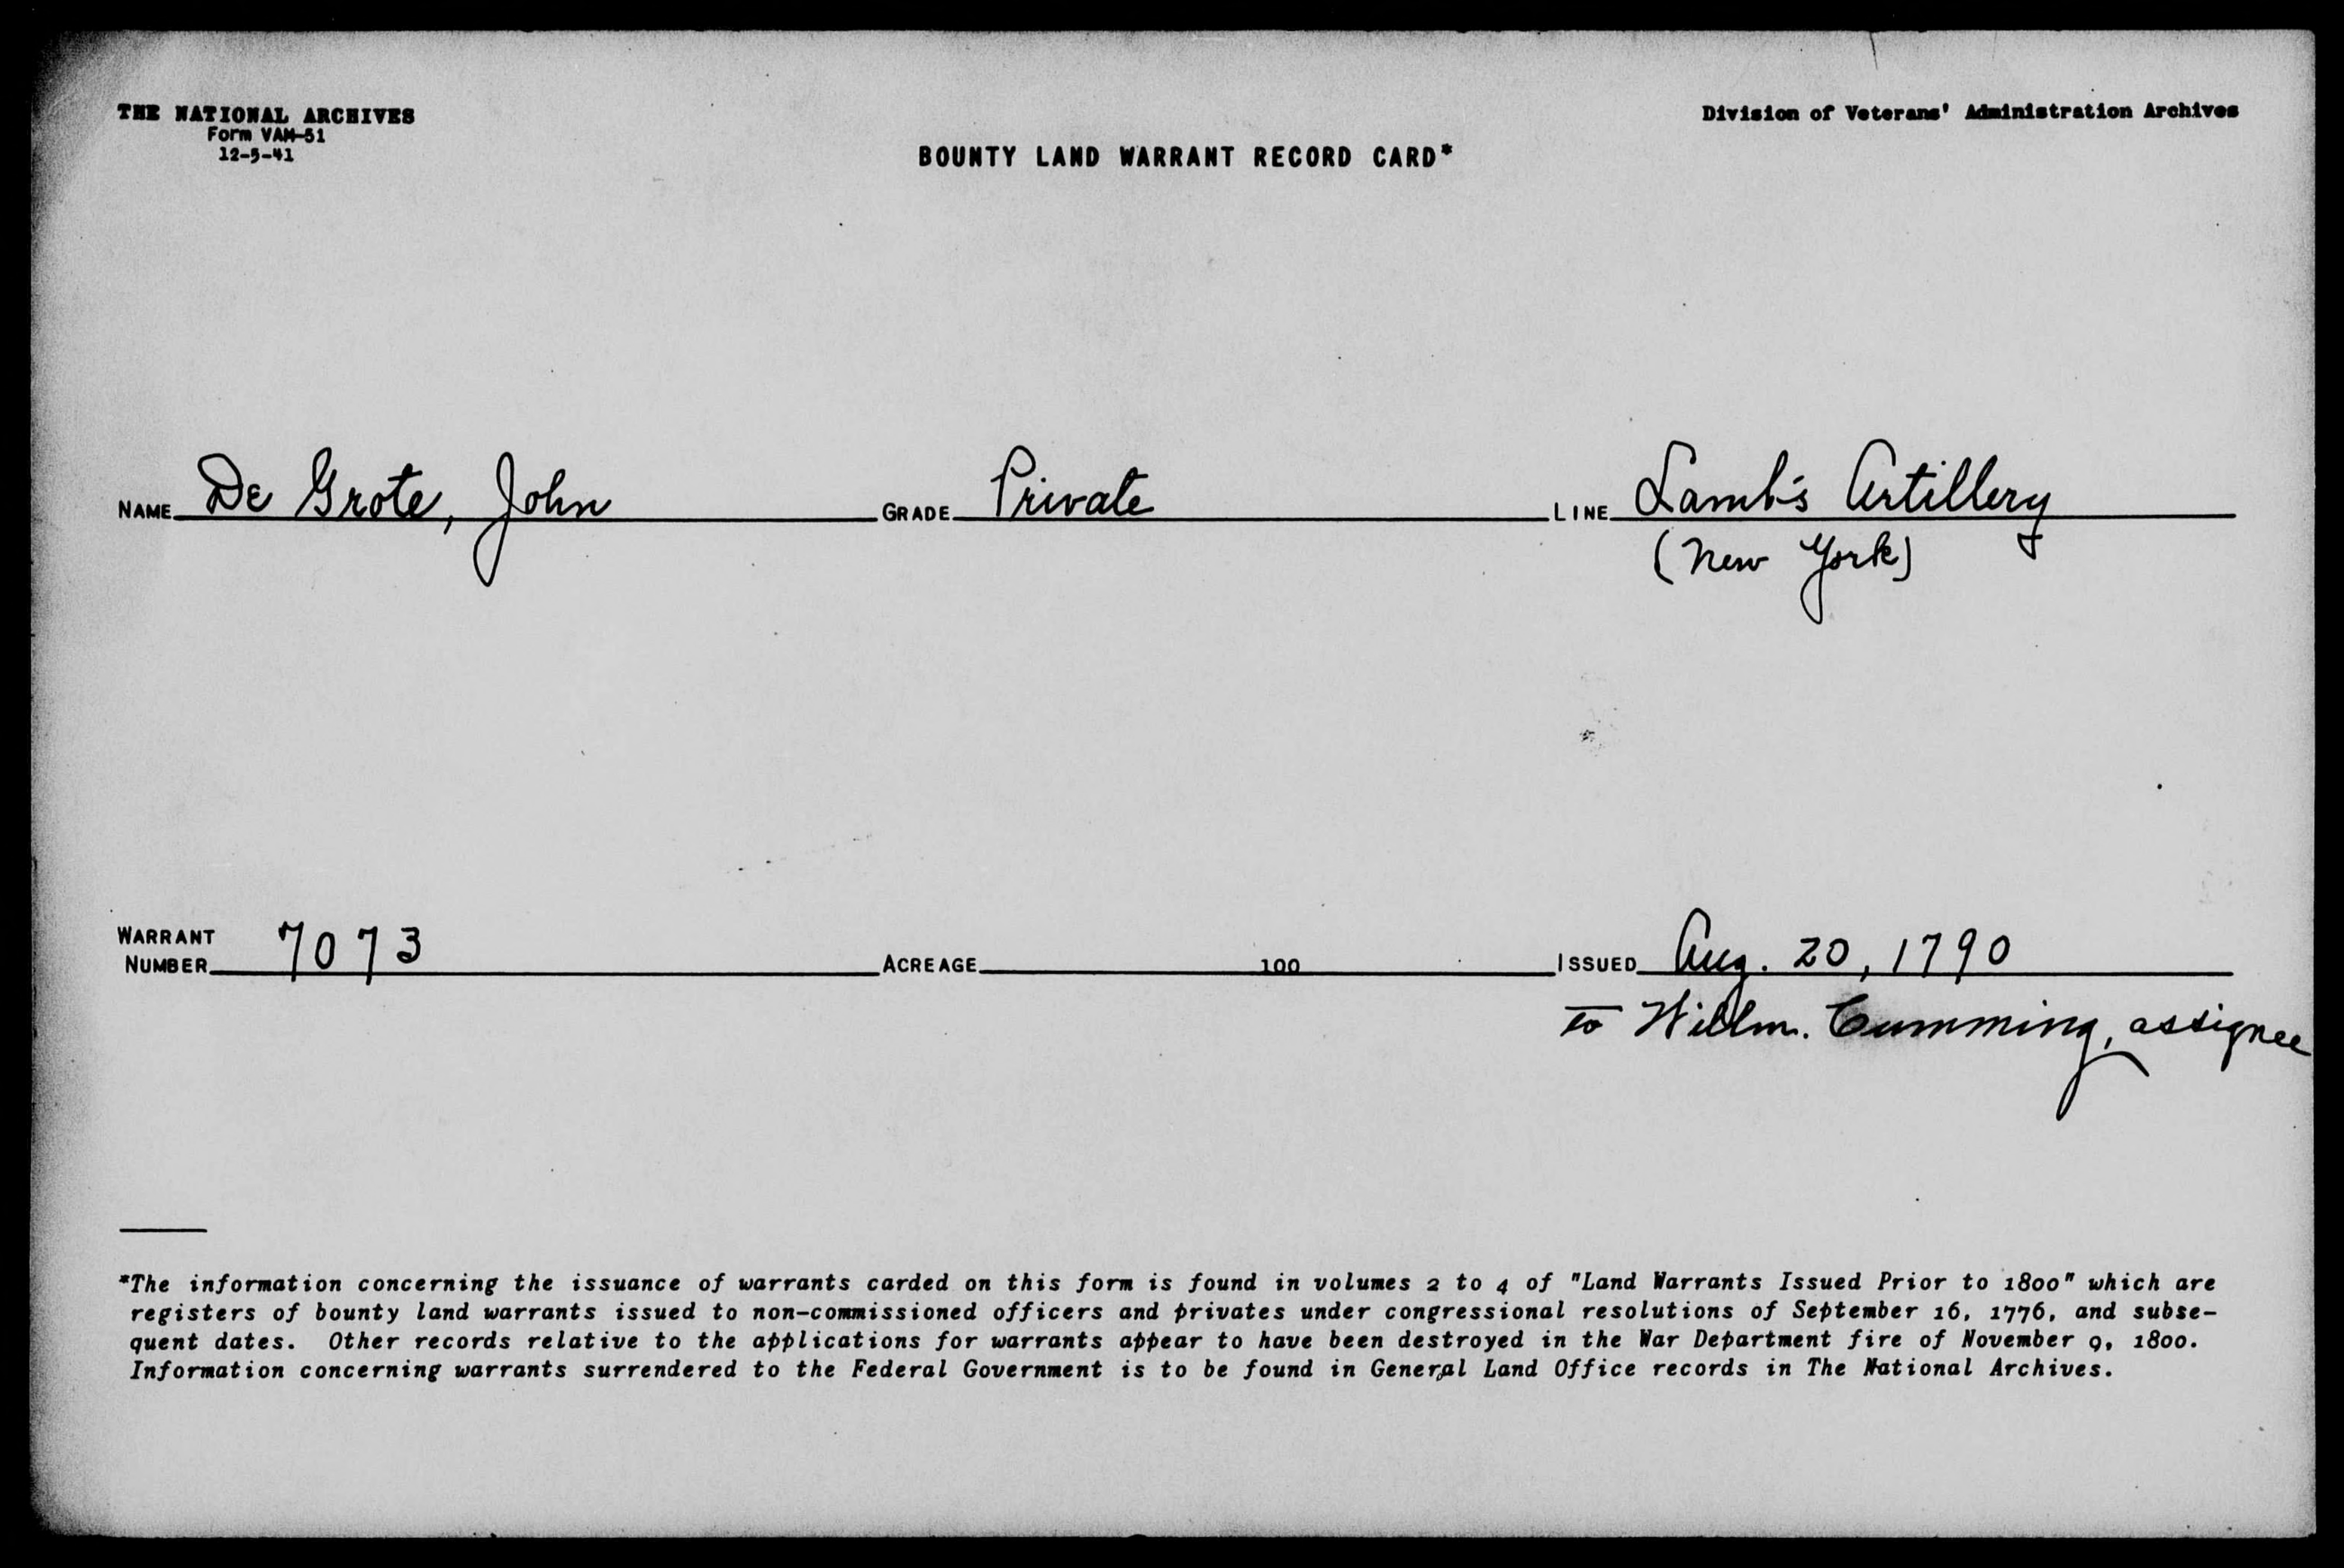[printed form with handwritten entries]
THE NATIONAL ARCHIVES Division of Veteran's Administration Archives
Form VAM-51 12-5-41
BOUNTY LAND WARRANT RECORD CARD*
NAME Degrote, John GRADE Private LINE Lamb's Artillery (New York)
WARRANT NUMBER 7073 ACREAGE 100 ISSUED Aug. 20, 1790 to Willm. Cumming, assignee
[in italics] *The information concerning the issuance of warrants carded on this form is found in volumes 2 to 4 of "Land Warrants Issued Prior to 1800" which are registers of bounty land warrants issued to non-commissioned officers and privates under congressional resolutions of September 16, 1776, and subsequent dates. Other records relative to the applications for warrants appear to have been destroyed in the War Department fire of November 9, 1800. Information concerning warrants surrendered to the Federal Government is to be found in General Land Office records in The National Archives.


Edit transcription
Need Help?
Policy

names: John De Grote, Willm Cumming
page: 76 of 77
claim: widow's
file: W. 417, William De Groot, New Jersey